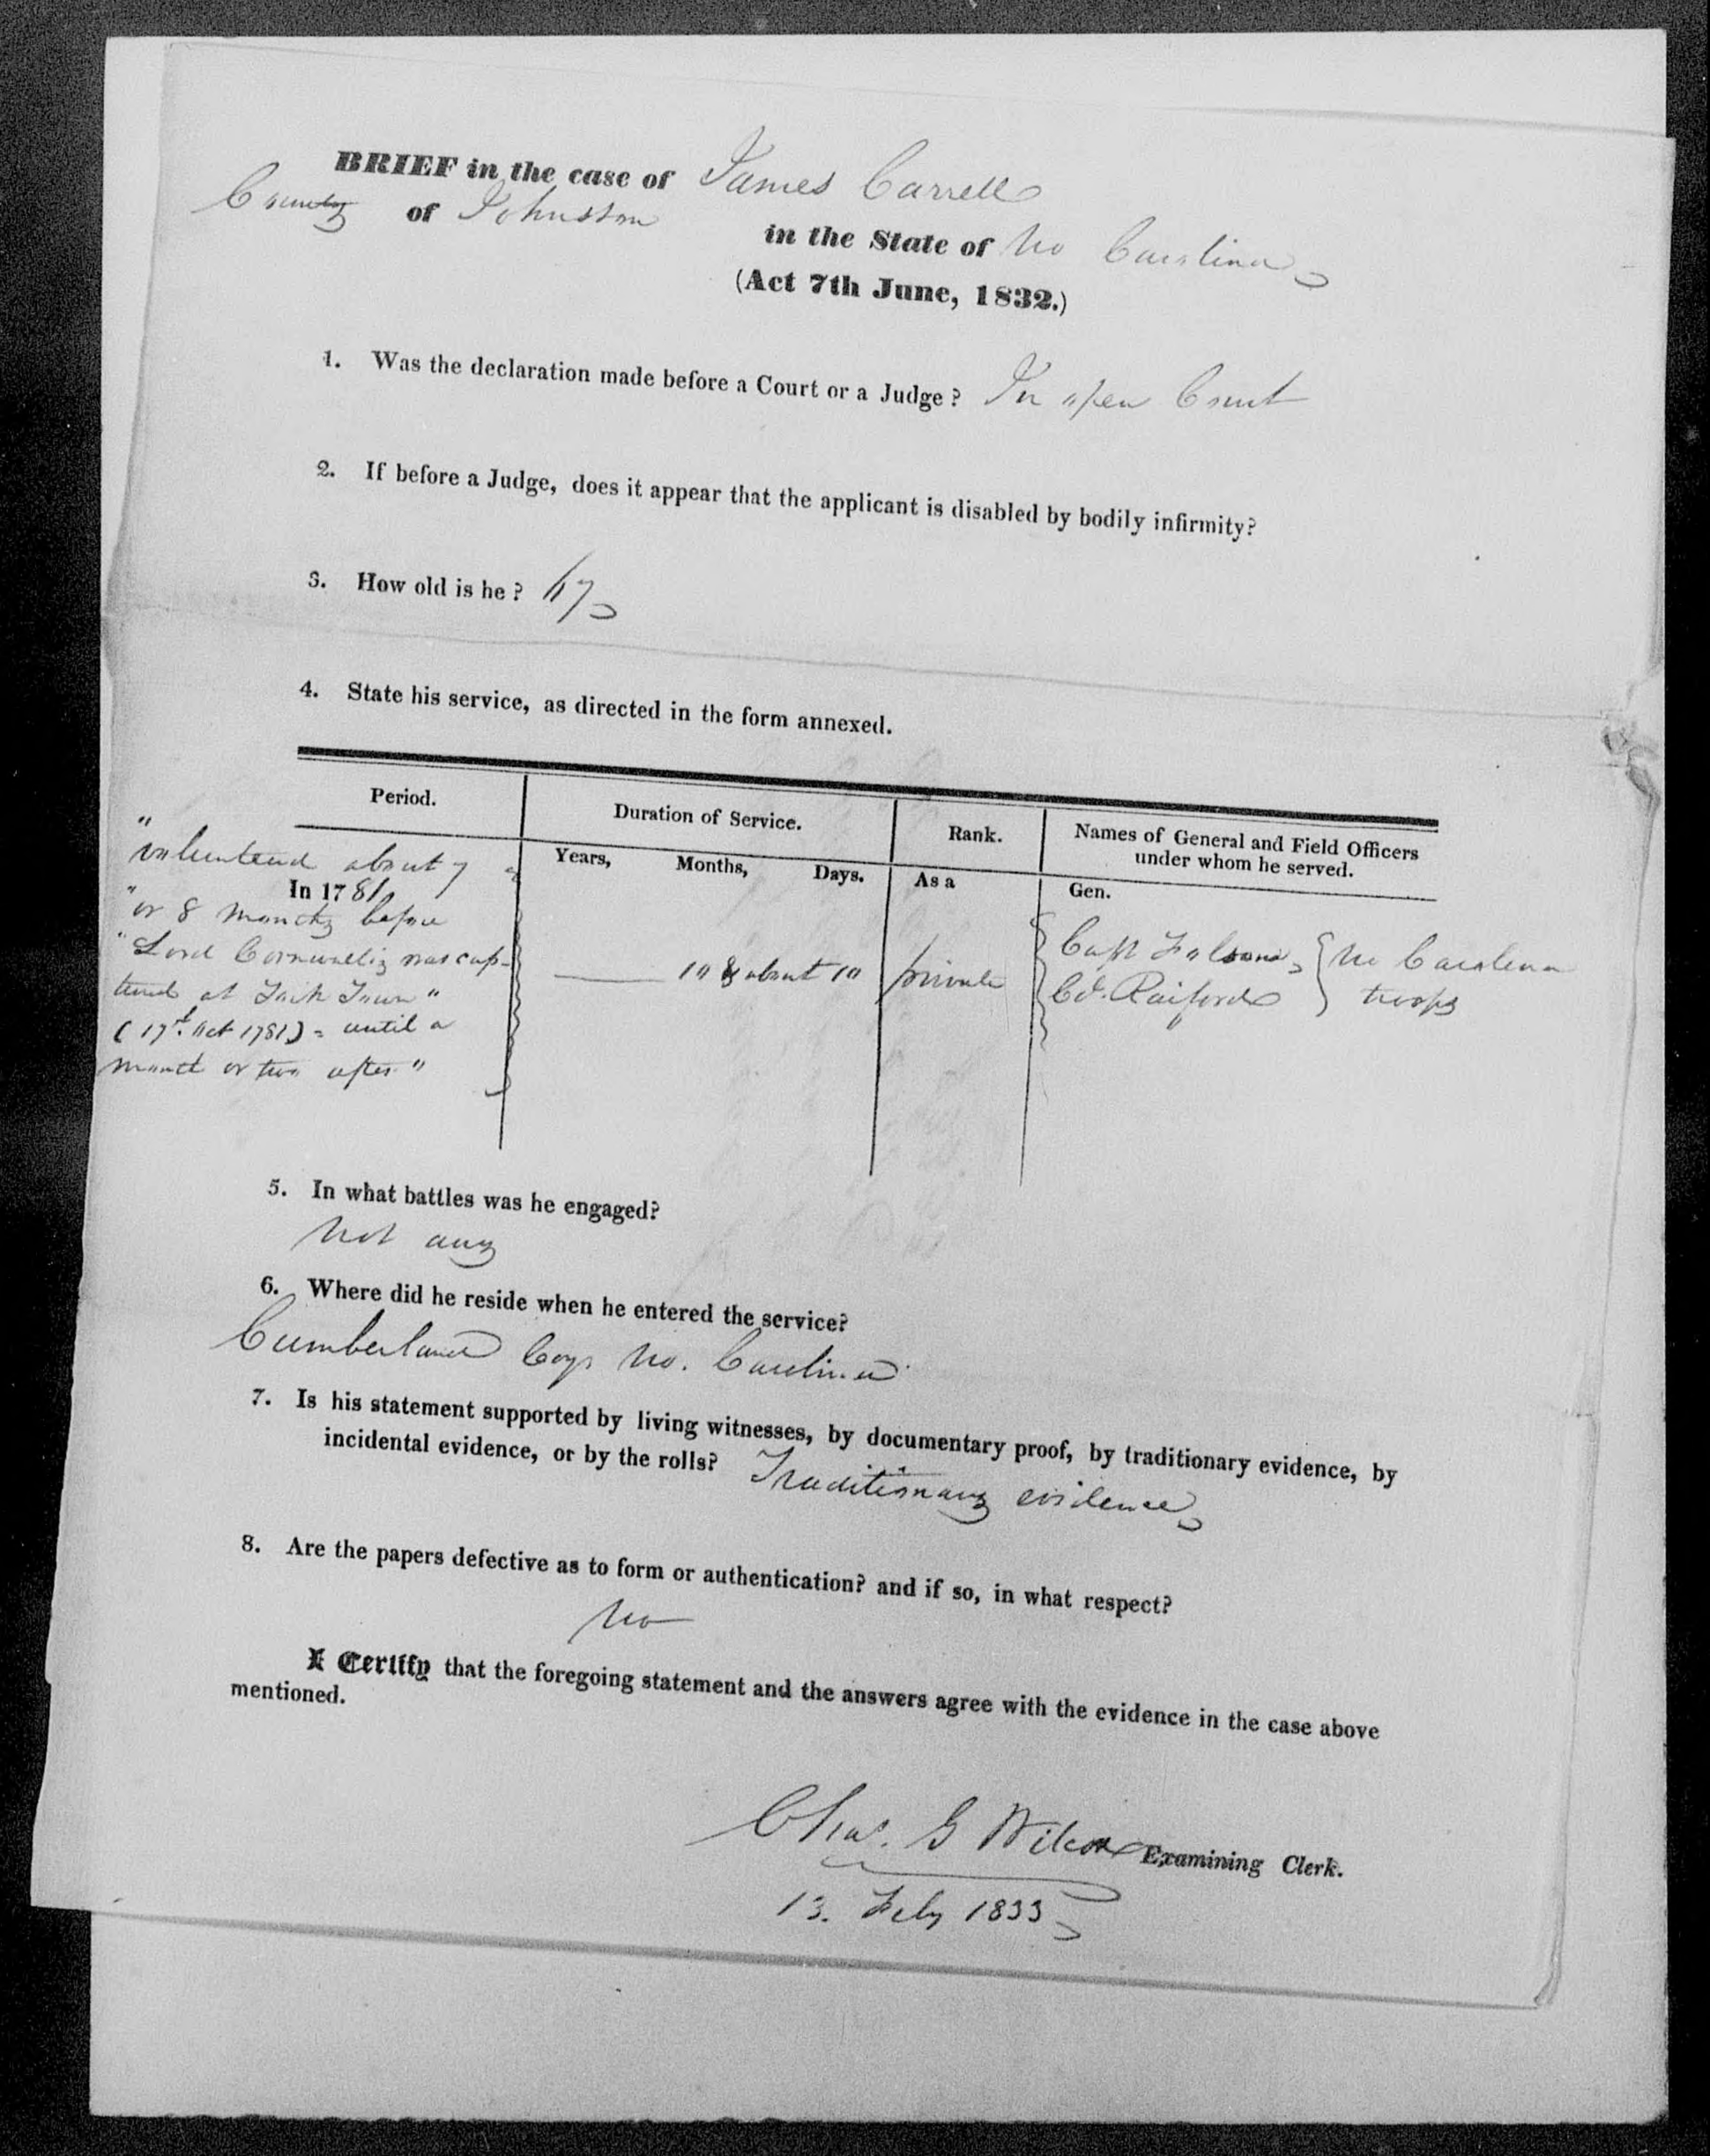Brief in the case of James Carrell
county of Johnston in the State of No Carolina
(Act 7th June, 1832.)

1. Was the declaration made before a Court or a Judge?  In open Court

2. If before a Judge, does it appear that the applicant is disabled by bodily infirmity?

3. How old is he?  67 y

4 State his service, as directed in the form annexed.

Period. "volunteered about   7 or 8 months in 1786  before Lord Cornwallis was captured at [illegible] town" (17th October 1781) until a month or two after"

Duration of Service. Years  Months, Days.
14 and about 10

Rank. As a Private

Names of General and Field officers under whom he served. Gen.
Capt Folsom
Col. Raiford
NoCarolina troops

5. In what battles was he engaged? not any

6. Where did he reside when he entered the service?  Cumberland Conty No. Carolina

7.. Is his statement supported by living witnesses, by documentary proof, by traditionary evidence, by incidental evidence, or by the rolls?  Traditionary evidence 

8. Are the papers defective as to form or authentication? and if so, in what respect?  no

I certify that the foregoing statement and the answers agree with the evidence in the case above mentioned.   

Chas. S. Wilcox  Examining Clerk
12 Feby 1833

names: Folsom, Raiford, James Carrell, Chas G Wilcox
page: 9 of 86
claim: widow's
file: W. 6899, James Carrell, N.C.